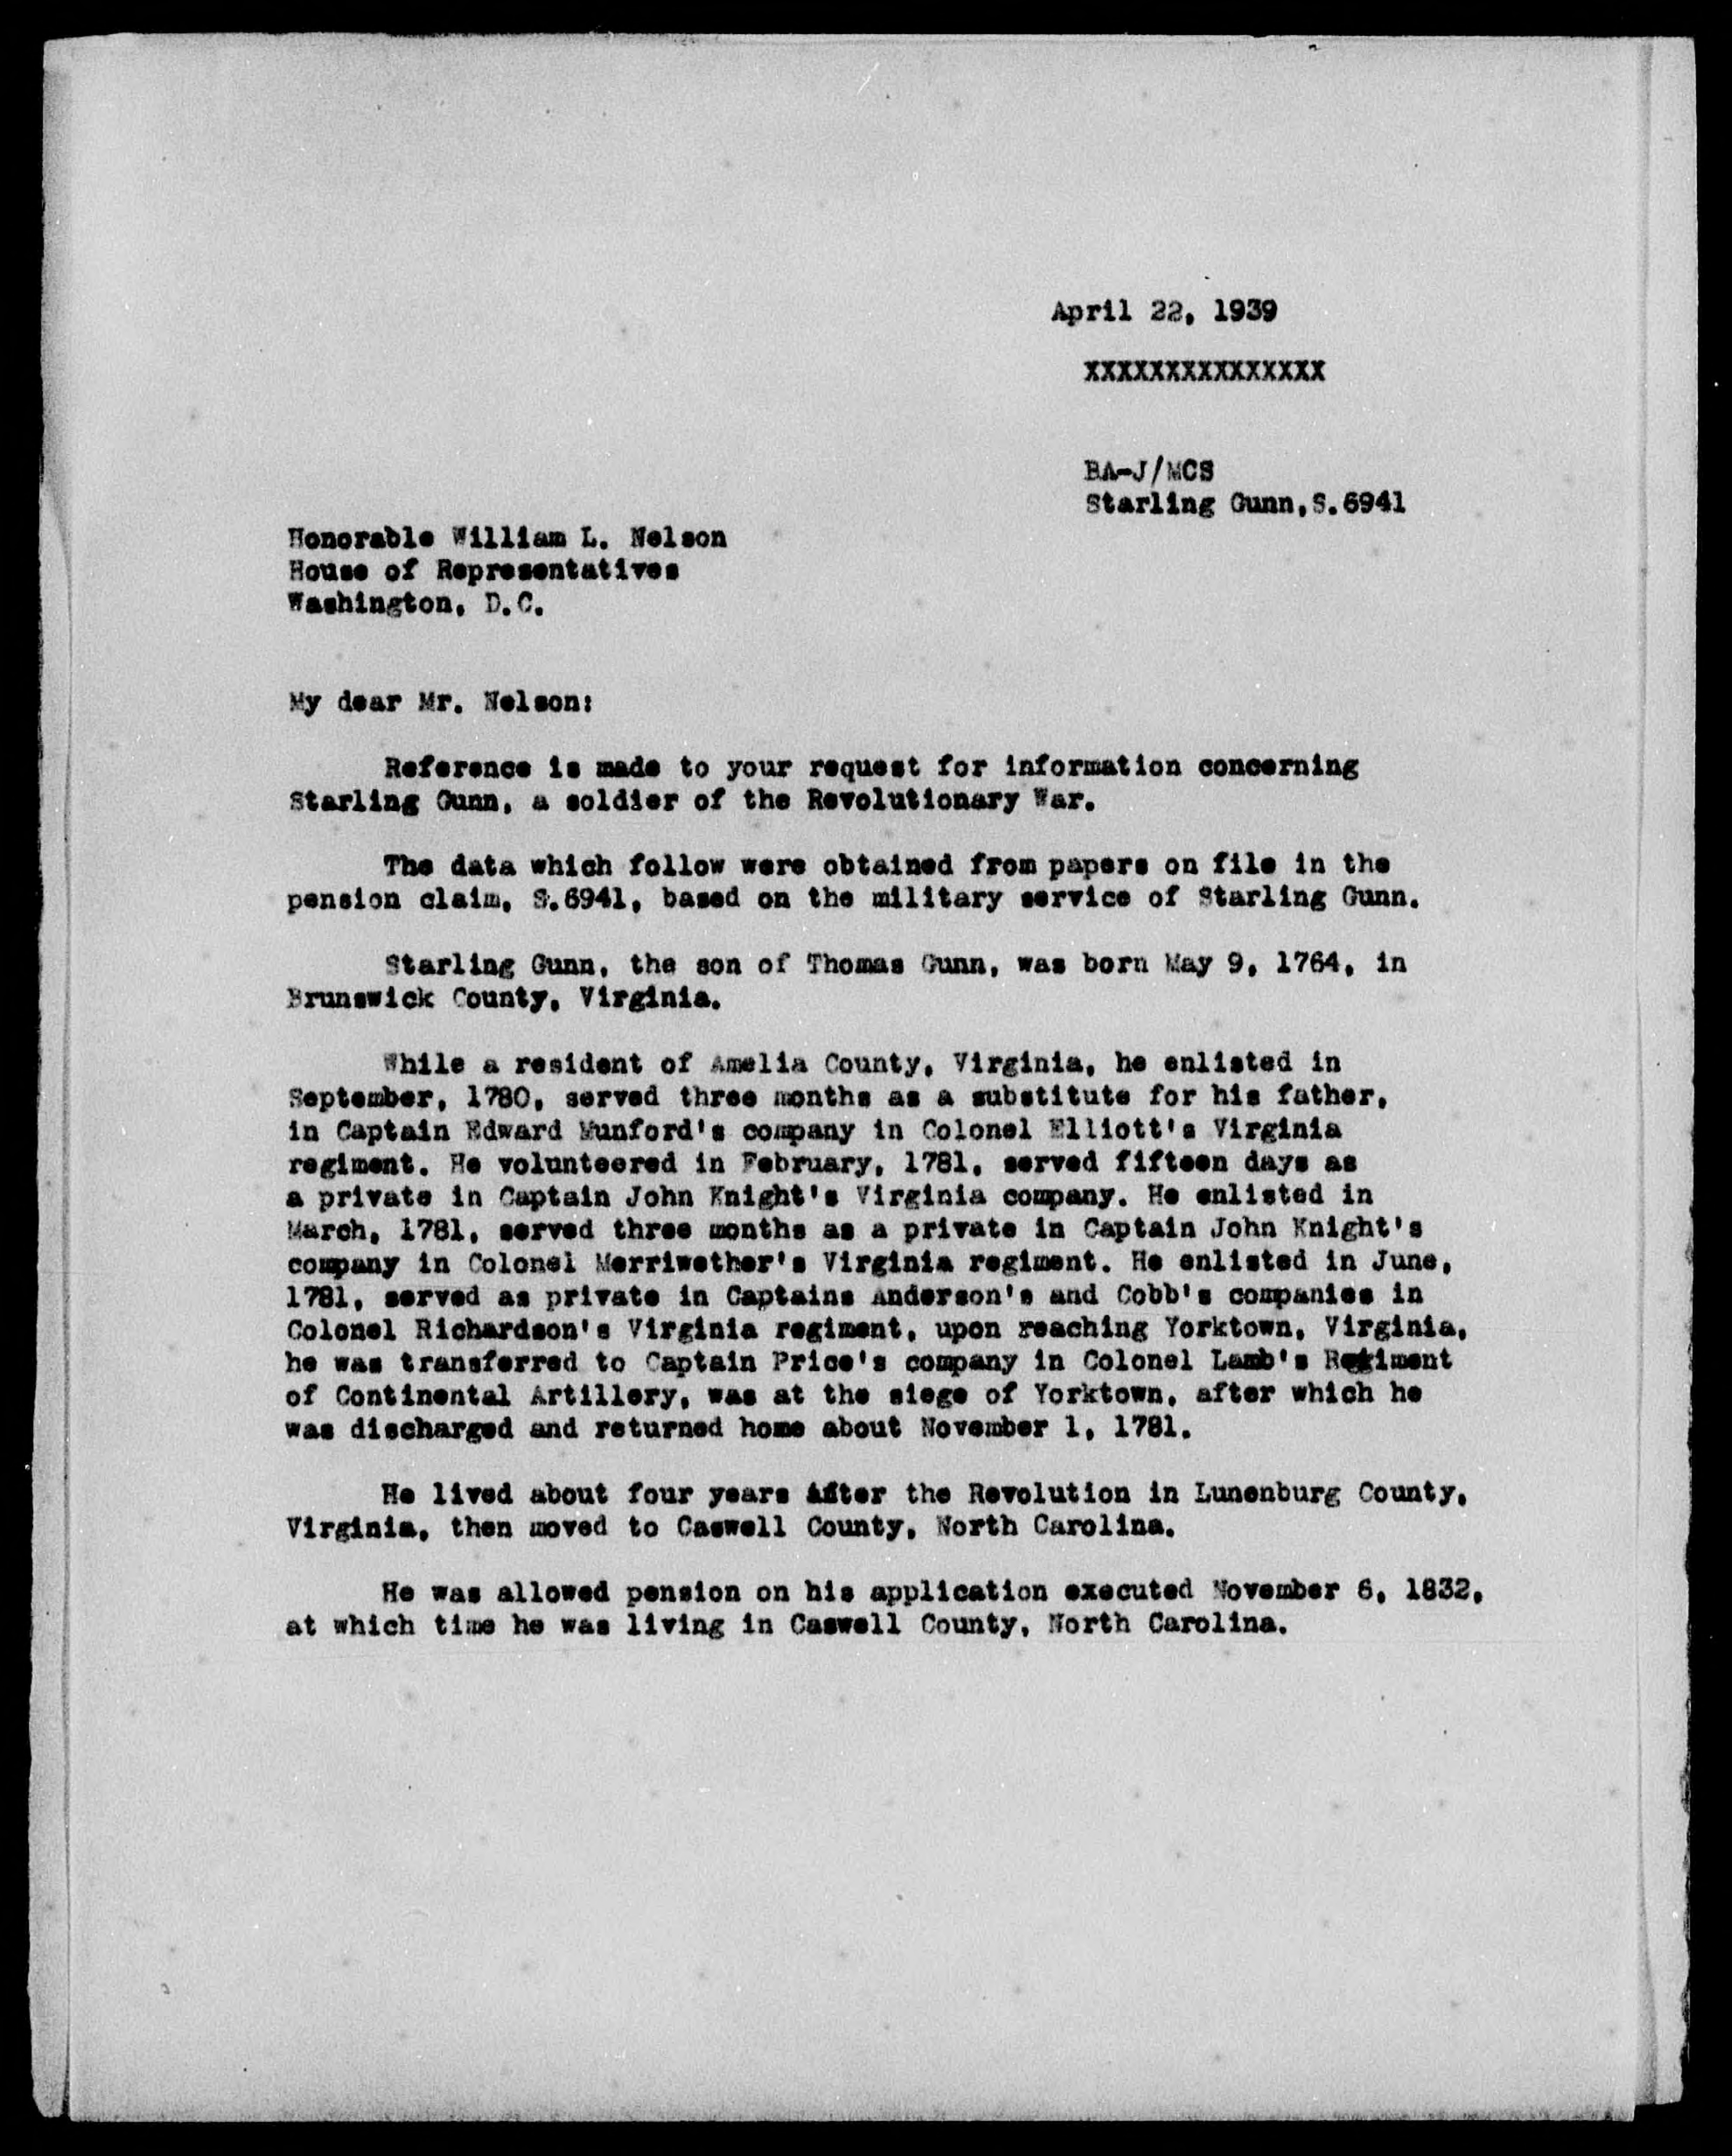April 22, 1939
XXXXXXXXXXXXXXX 
BA-J/MOS 
Starling Gunn, S.6941 

Honorable William L. Nelson 
House of Representatives 
Washington, D.C. 
My dear Mr. Nelson: Reference is made to your request for information concerning Starling Gunn, a soldier of the Revolutionary War. 
The data which follow were obtained from papers on file in the pension claim, S.6941, based on the military service of Starling Gunn.
Starling Gunn, the son of Thomas Gunn, was born May 9, 1764, in Brunswick County, Virginia.
While a resident of Amelia County, Virginia, he enlisted in September, 1780, served three months as a substitute for his father, in Captain Edward Munford's company in Colonel Elliott's Virginia regiment. He volunteered in February, 1781, served fifteen days as a private in Captain John Knight's Virginia company. He enlisted in March, 1781, served three months as a private in Captain John Knight's company in Colonel Merriwether's Virginia regiment. He enlisted in June, 1781, served as private in Captains Anderson's and Cobb's companies in Colonel Richardson's Virginia regiment, upon reaching Yorktown, Virginia, he was transferred to Captain Price's company in Colonel Lamb's Regiment of Continental Artillery, was at the siege of Yorktown, after which he was discharged and returned home about November 1, 1781. 
He lived about four years after the Revolution in Lunenburg County, Virginia, then moved to Caswell County, North Carolina.
He was allowed pension on his application executed November 6, 1832, at which time he was living in Caswell County, North Carolina.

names: Nelson, Starling Gunn, Starling Gunn, Thomas Gunn, William L Nelson, Starling Gunn, Starling Gunn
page: 21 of 58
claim: survivor's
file: S. 6,941, Starling Gunn, Continental Va.